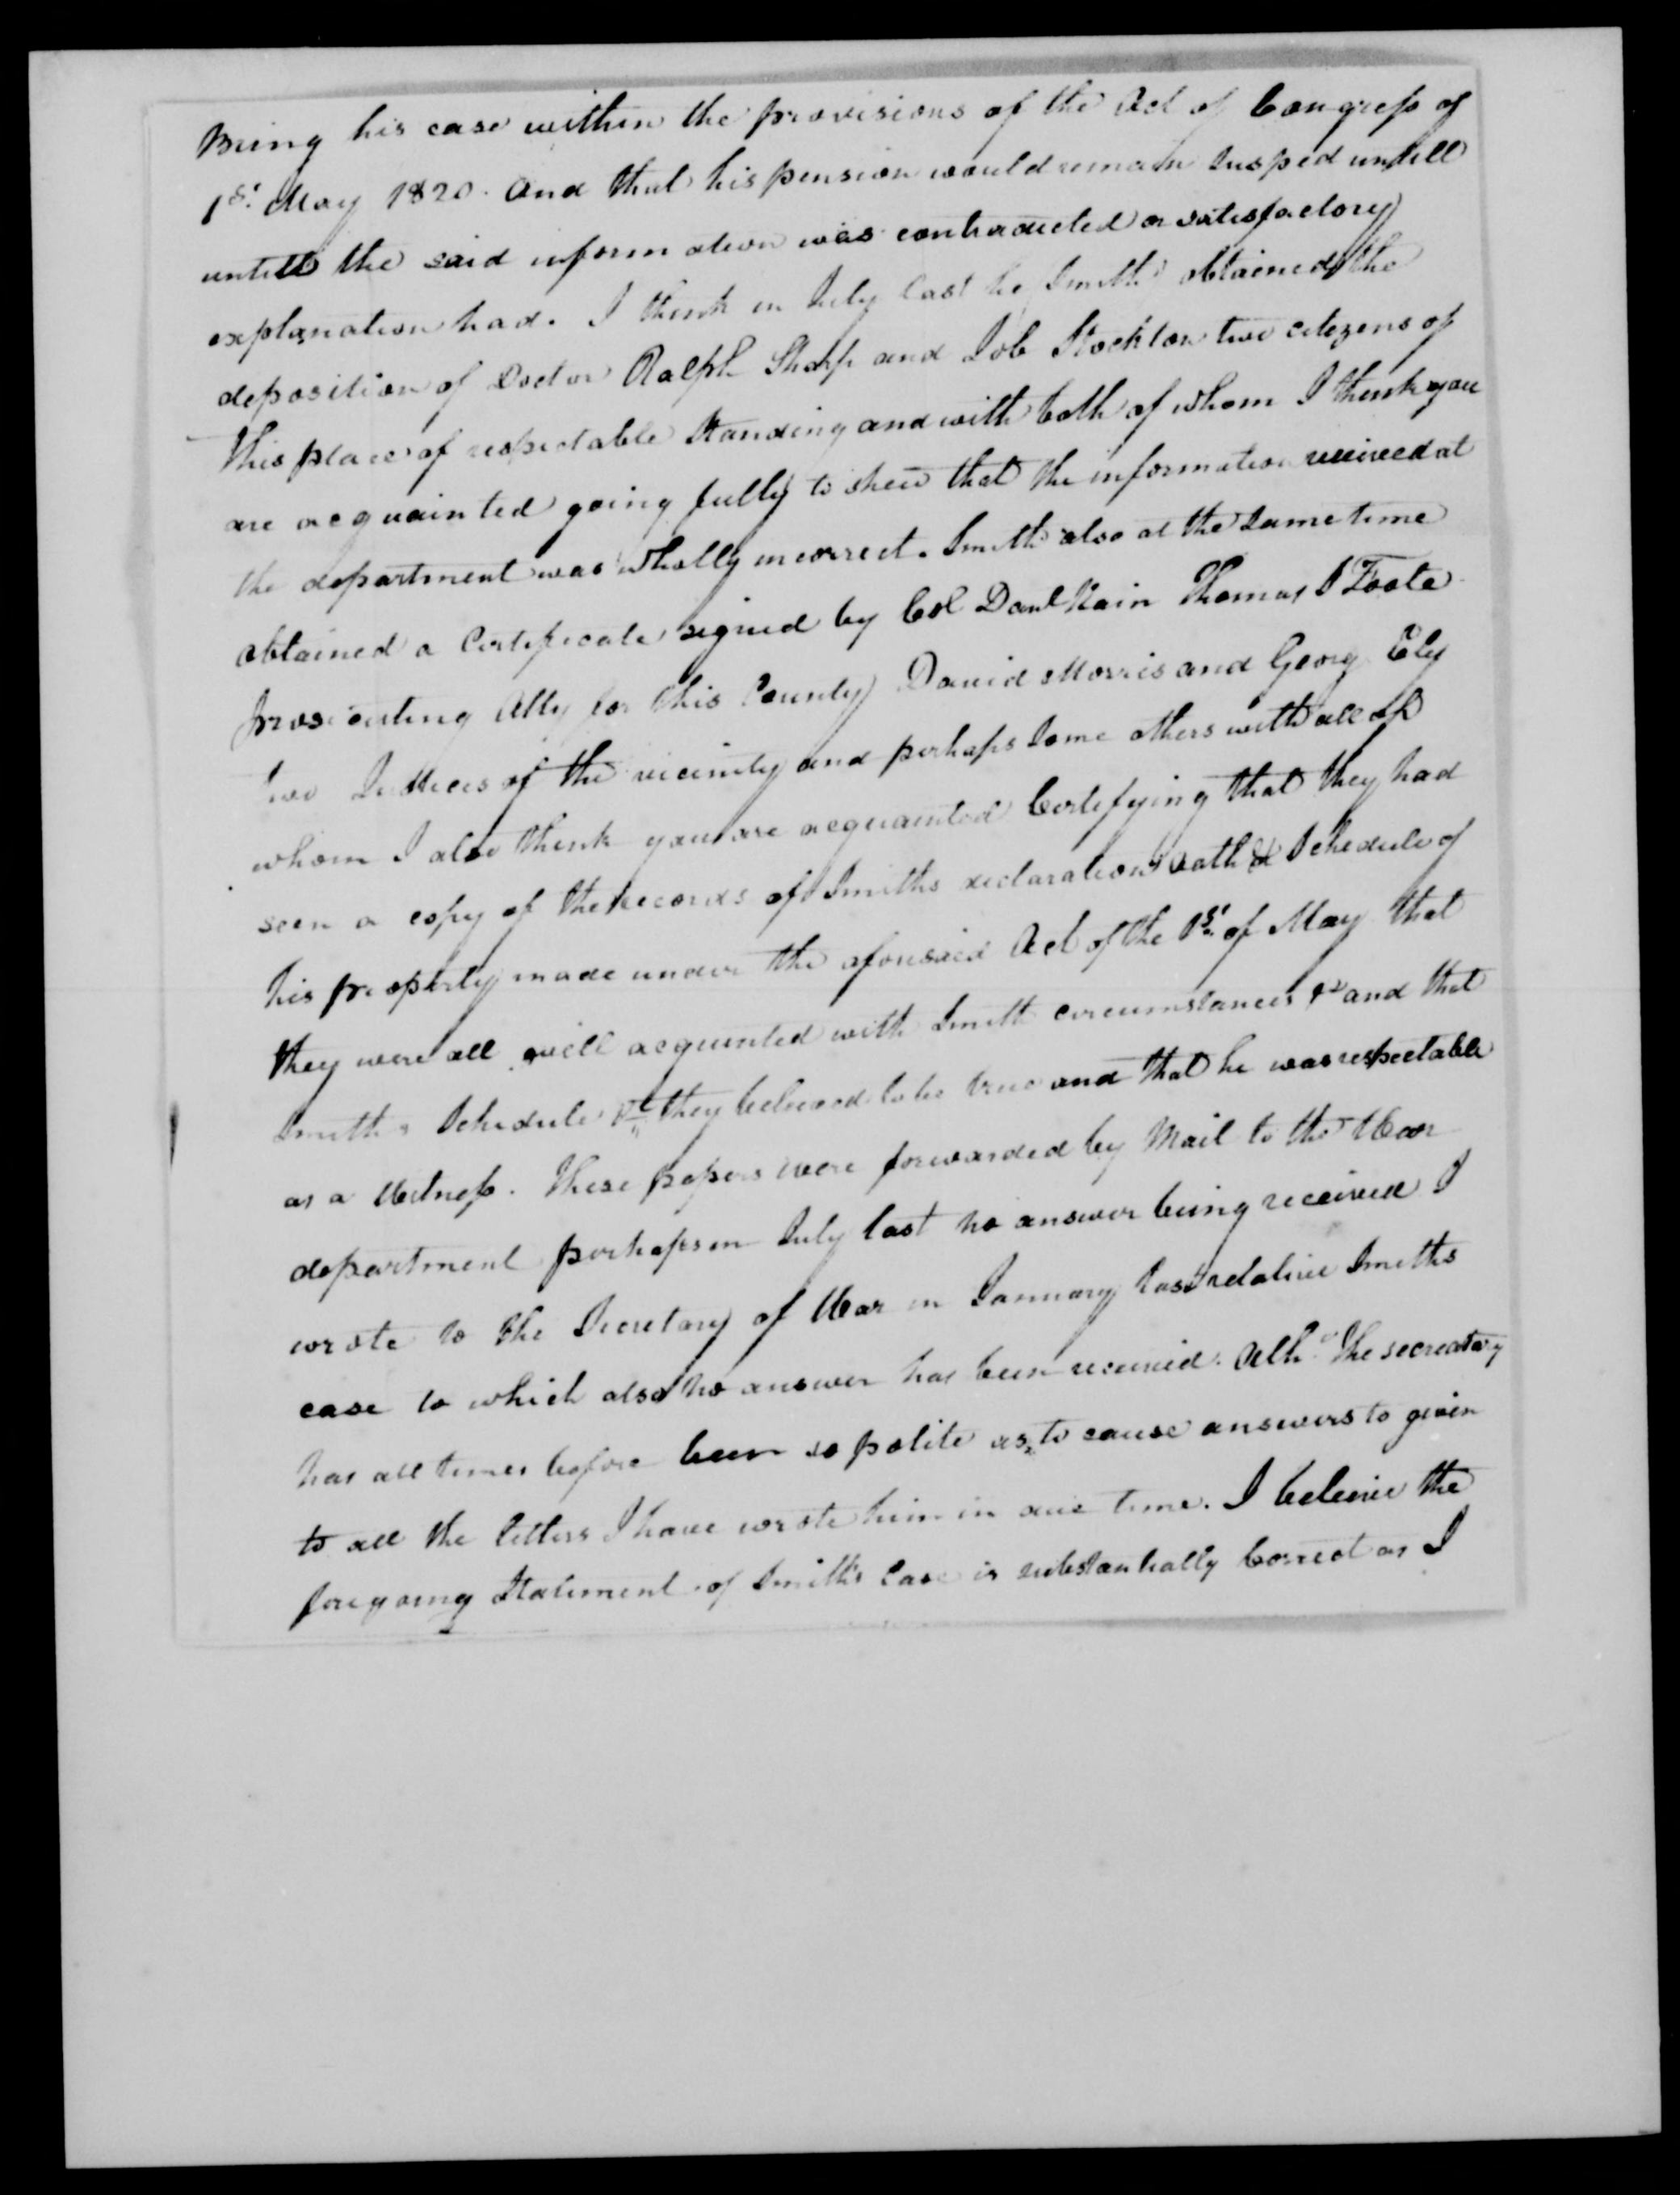Bring his case within the provisions of the Act of Congress of 1st May 1820 And that his pension would remain suspend untill untill [sic] the said information was contradicted or satisfactory explanation had. I think in July last he (Smith) obtained the deposition of Doctor Ralph Sharp and Job Stockton two citizens of this place of respectable standing and with both of whom I think you are acquainted going fully to shew that the information received at the department was wholly incorrect. Smith also at the same time obtained a Certificate signed by Col Danl Kain Thomas S Foote prosecuting Atty for this County David Morris and Georg Ely two Justices of the seriously [??] and perhaps some others with all of whom I also think you are acquainted Certifying that they had seen a copy of the records of Smiths declaration oath & Schedule of his property made under the aforesaid Act of the 1st of May that they were all well acquainted with Smith circumstances &c and that Smiths Schedule & they believed to be true and that he was respectable as a Witness. These papers were forwarded by Mail to the War department perhaps in July last no answer being received I wrote to the Secretary of War in January last adduce Smiths ease to which also no answer has been received Altho. the secretary has all times before been so polite as to cause answers to given to all the letters I have wrote him in due time. I believe the foregoing Statement of Smith's Case is substantially Correct as I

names: Georg Ely; Ralph Sharp; [BLANK] Smith; Danl Kain; [BLANK] Smiths; Job Stockton; [BLANK] Smith; [BLANK] Smith; David Morris; [BLANK] Smith; Thomas S Foote; [BLANK] Smith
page: 38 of 66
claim: survivor's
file: S 40458, for Obadiah Smith, New York